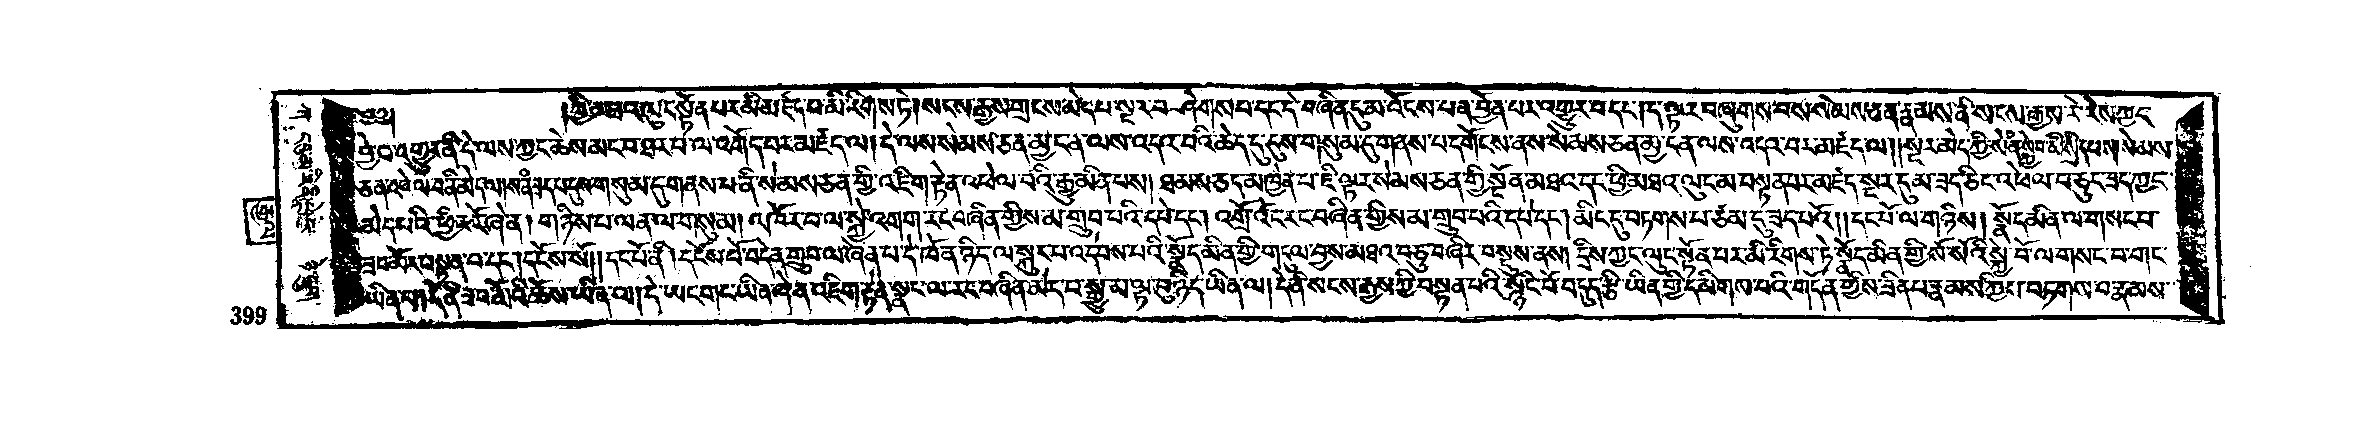༄༅། །གྱི་མཐའ་ལུང་སྟོན་པར་མི་མཛད་པ་མི་རིགས་ཏེ། སངས་རྒྱས་གྲངས་མེད་པ་སྔར་བཤེགས་པ་དང་དེ་བཞིན་དུ་མ་འོངས་པ་ན་བྱོན་པར་འགྱུར་བ་དང་། དེ་ལྟར་བཞུགས་པས་སེམས་ཅན་རྣམས་ནི་སངས་རྒྱས་རེ་རེས་ཀྱང་
བྱ་བ་འགྱུར་ནི་དེ་ལས་ཀྱང་ཆོས་མང་བ་ཐར་པ་ལ་འགོད་པར་མཛད་ལ། དེ་ལས་སེམས་ཅན་མྱ་ངན་ལས་འདའ་བའི་ཆེད་དུ་དུས་གསུམ་དུ་གནས་པ་དགོངས་ནས་སེམས་ཅན་མྱ་ངན་ལས་འདའ་བར་མཛད་ལ། །སྔར་མེད་ཀྱི་སེམས་ཅན་སྐྱེ་བ་མི་སྲིད་པས། སེམས་
ཅན་འཕེལ་བ་ནི་མེད་ལ། བསོད་ནམས?་ཟད་པ་དུས་གསུམ་དུ་གནས་པ་ནི་སེམས་ཅན་གྱི་འཇིག་རྟེན་འཕེལ་བའི་རྒྱུ་མིན་པས། ཐམས་ཅད་མཁྱེན་པ་ཇི་ལྟར་སེམས་ཅན་གྱི་སྔོན་མཐའ་དང་ཕྱི་མཐའ་ལུང་མ་བསྟན་པར་མཛད་སྔར་དུ་མ་ཟད་ཅིང་འཕེལ་བ་ཅུང་ཟད་ཀྱང་
མེད་པའི་ཕྱིར་རོ་ཞེ་ན། གཉིས་པ་ལན་ལ་གསུམ། འཁོར་བ་ལ་སྐྱེ་འགག་རང་བཞིན་གྱིས་མ་གྲུབ་པའི་དཔེ་དང་། འགྲོ་འོང་རང་བཞིན་གྱིས་མ་གྲུབ་པའི་དཔེ་དང་། མིང་དུ་བཏགས་པ་ཙམ་དུ་ཟད་པའོ། །དང་པོ་ལ་གཉིས། སྣོད་མིན་ལ་གསང་བ་
ཟབ་མོར་བསྟན་པ་དང་། དངོས་སོ། །དང་པོ་ནི། དངོས་པོ་བདེན་གྲུབ་ལ་ཞེན་པ་དེ་ཁོ་ན་ཉིད་ལ་སྐུར་བ་འདེབས་པའི་སྣོད་མིན་གྱི་གདུལ་བྱས་མཐའ་བཅུ་བཞིར་བསྡུས་ནས། དྲིས་ཀྱང་ལུང་སྟོན་པར་མི་རིགས་ཏེ་སྣོད་མིན་གྱི་སོ་སོའི་སྐྱེ་བོ་ལ་གསང་བ་གང་
ཡིན་པ། དེ་ནི་ཟབ་མོའི་ཆོས་ཡིན་ལ། དེ་ཡང་གང་ཡིན་ཞེ་ན་འཇིག་རྟེན་སྣང་ལ་རང་བཞིན་མེད་པ་སྒྱུ་མ་ལྟ་བུ་ཉིད་ཡིན་ལ། དེ་ནི་སངས་རྒྱས་ཀྱི་བསྟན་པའི་སྙིང་པོ་བདུད་རྩི་ཡིན་གྱི་དམིགས་པའི་གདོན་གྱིས་ཟིན་པ་རྣམས་ཀྱིས། བཏགས་པ་རྣམས་